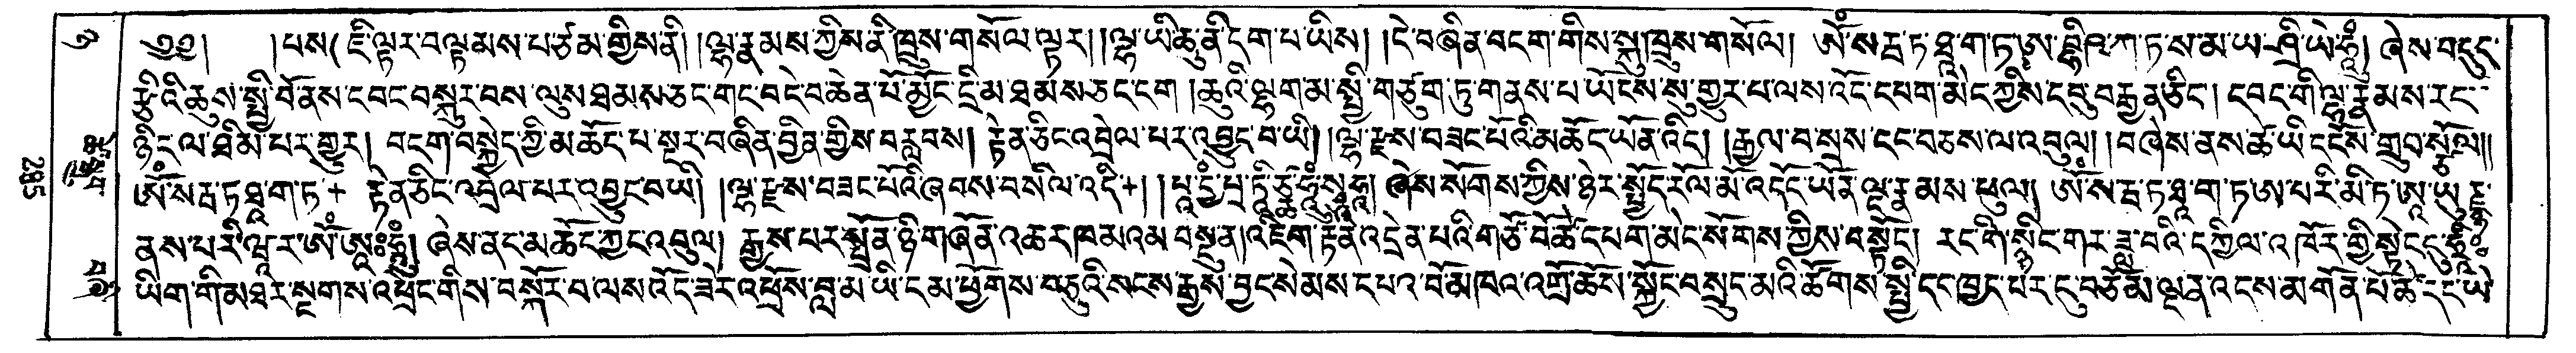༄༅། །པས། ཇི་ལྟར་བལྟམས་པ་ཙམ་གྱིས་ནི། །ལྷ་རྣམས་ཀྱིས་ནི་ཁྲུས་གསོལ་ལྟར། །ལྷ་ཡི་ཆུ་ནི་དག་པ་ཡིས། །དེ་བཞིན་བདག་གིས་སྐུ་ཁྲུས་གསོལ། ཨོཾ་སརྦ་ཏ་ཐཱ་ག་ཏ་ཨ་བྷི་ཥེ་ཀ་ཏ་ས་མ་ཡ་ཤྲི་ཡེ་ཧཱུཾ། ཞེས་བདུད་
རྩིའི་ཆུས་སྤྱི་བོ་ནས་དབང་བསྐུར་བས་ལུས་ཐམས་ཅད་གང་བདེ་བ་ཆེན་པོ་མྱོང་དྲི་མ་ཐམས་ཅད་དག །ཆུའི་ལྷག་མ་སྤྱི་གཙུག་ཏུ་གནས་པ་ཡོངས་སུ་གྱུར་པ་ལས་འོད་དཔག་མེད་ཀྱིས་དབུ་བརྒྱན་ཅིང་། དབང་གི་ལྷ་རྣམས་རང་
ཉིད་ལ་ཐིམ་པར་གྱུར། བདག་བསྐྱེད་ཀྱི་མཆོད་པ་སྔར་བཞིན་བྱིན་གྱིས་བརླབས། རྟེན་ཅིང་འབྲེལ་པར་འབྱུང་བ་ཡི། །ལྷ་རྫས་བཟང་པོའི་མཆོད་ཡོན་འདི། །རྒྱལ་བ་སྲས་དང་བཅས་ལ་འབུལ། །བཞེས་ནས་ཚེ་ཡི་དངོས་གྲུབ་སྩོལ།།
ཨོཾ་སརྦ་ཏ་ཐཱ་ག་ཏ་རྟེན་ཅིང་འབྲེལ་པར་འབྱུང་བ་ཡི། །ལྷ་རྫས་བཟང་པོའི་ཞབས་བསིལ་འདི། །པཱ་དྱཾ་པྲ་ཏཱིཙྪ་ཧཱུཾ་སྭཱཧཱ། ཞེས་སོགས་ཀྱིས་ཉེར་སྤྱོད་རོལ་མོ་འདོད་ཡོན་ལྔ་རྣམས་ཕུལ། ཨོཾ་སརྦ་ཏ་ཐཱ་ག་ཏ་ཨ་པ་རི་མི་ཏ་ཨཱ་ཡུརྫྙཱ་
ན་ས་པ་རི་ཝཱ་ར་ཨོཾ་ཨཱཿཧཱུཾ། ཞེས་ནང་མཆོད་ཀྱང་འབུལ། རྒྱས་པར་སྤྲོ་ན་ཉི་གཞོན་འཆར་ཁ་མའམ་བསྡུ་ན། འཇིག་རྟེན་འདྲེན་པའི་གཙོ་བོ་ཚེ་དཔག་མེད་སོགས་ཀྱིས་བསྟོད། རང་གི་སྙིང་གར་ཟླ་བའི་དཀྱིལ་འཁོར་གྱི་སྟེང་དུ་ཧྲཱིཿ
ཡིག་གི་མཐར་སྔགས་འཕྲེང་གིས་བསྐོར་བ་ལས་འོད་ཟེར་འཕྲོས་བླ་མ་ཡི་དམ་ཕྱོགས་བཅུའི་སངས་རྒྱས་བྱང་སེམས་དཔའ་བོ་མཁའ་འགྲོ་ཆོས་སྐྱོང་བསྲུང་མའི་ཚོགས་སྤྱི་དང་ཁྱད་པར་དུ་བཅོམ་ལྡན་འདས་མགོན་པོ་ཚེ་དང་ཡེ།